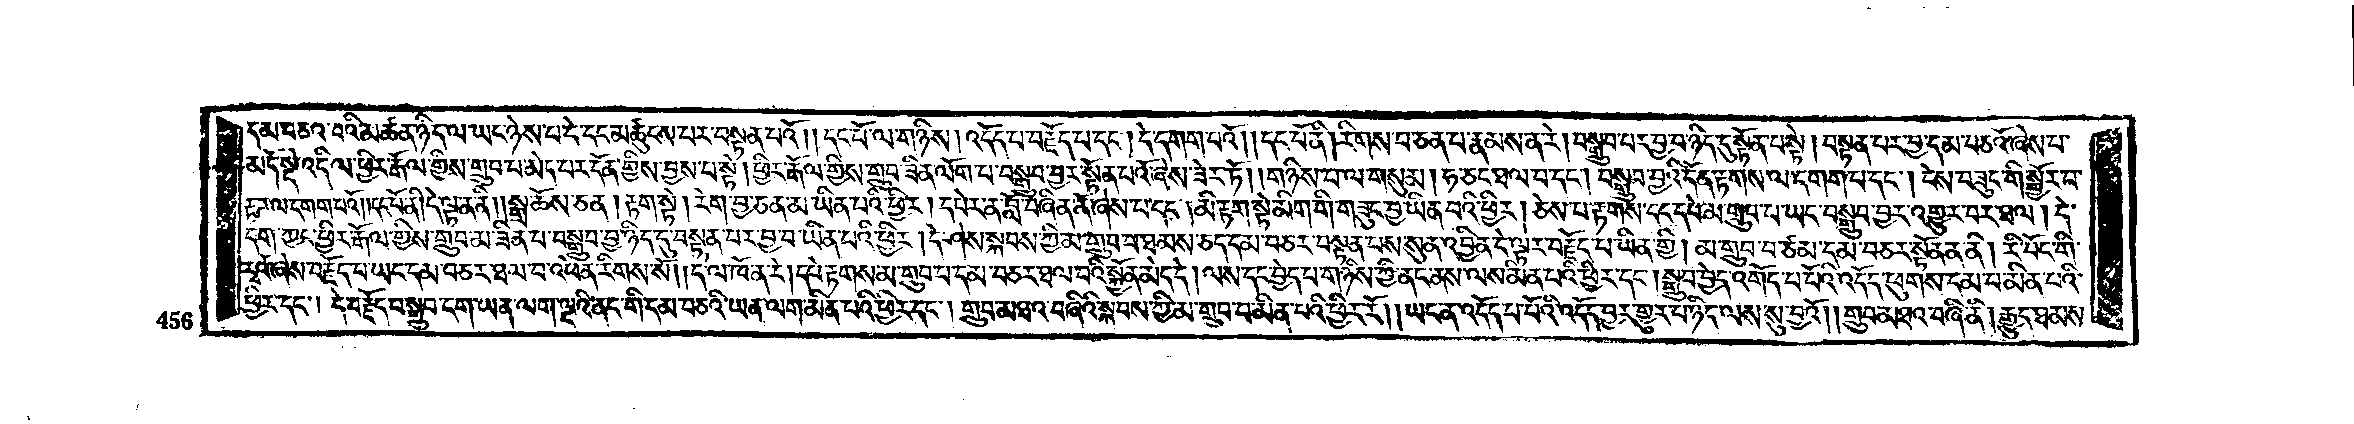དམ་བཅའ་བའི་མཚན་ཉིད་ལ་ཡང་ཉེས་པ་དེ་དང་མཚུངས་པར་བསྟན་པའོ། །དང་པོ་ལ་གཉིས། འདོད་པ་བརྗོད་པ་དང་། དེ་དགག་པའོ། །དང་པོ་ནི། རིགས་པ་ཅན་པ་རྣམས་ན་རེ། བསྒྲུབ་པར་བྱ་བ་ཉིད་དུ་སྟོན་པ་སྟེ། བསྟན་པར་བྱ་དམ་བཅའོ་ཞེས་པ་
མདོ་སྡེ་འདི་ལ་ཕྱིར་རྒོལ་གྱིས་གྲུབ་པ་མེད་པར་དོན་གྱིས་བྱས་པ་སྟེ། ཕྱིར་རྒོལ་གྱིས་གྲུབ་ཟིན་ལོག་པ་བསྒྲུབ་བྱར་སྟོན་པའོ་ཞེས་ཟེར་ཏོ། །གཉིས་པ་ལ་གསུམ། ཧ་ཅན་ཐལ་བ་དག། བསྒྲུབ་བྱའི་དོན་རྟགས་ལ་དགག་པ་དང་། ངེས་བཟུང་གི་སྦྱོར་བ་
རྟགས་ལ་དགག་པའོ། །དང་པོ་ནི། དེ་ལྟར་ནི། །སྒྲ་ཆོས་ཅན། རྟག་སྟེ། རེག་བྱ་ཅན་མ་ཡིན་པའི་ཕྱིར། དཔེར་ན་བློ་བཞིན་ནོ་ཞེས་པ་དང་། མི་རྟག་སྟེ་མིག་གི་གཟུང་བྱ་ཡིན་པའི་ཕྱིར། ཅེས་པ་རྟགས་དང་དཔེ་མ་གྲུབ་པ་ཡང་བསྒྲུབ་བྱར་འགྱུར་བར་ཐལ། དེ་
དག་ཀྱང་ཕྱིར་རྒོལ་གྱིས་གྲུབ་མ་ཟིན་པ་བསྒྲུབ་བྱ་ཉིད་དུ་བསྟན་པར་བྱ་བ་ཡིན་པའི་ཕྱིར། དེ་ཤེས་སྐབས་ཀྱི་མ་གྲུབ་པ་ཐམས་ཅད་དམ་བཅར་བསྟན་པས་སུན་འབྱིན་དེ་ལྟར་བརྗོད་པ་ཡིན་གྱི། མ་གྲུབ་བ་ཙམ་དམ་བཅར་སྟོན་ན་ནི། རི་པོང་གི་
རVO་ཞེས་བརྗོད་པ་ཡང་དམ་བཅར་ཐལ་བ་འཕེན་རིགས་སོ། །དེ་ལ་ཁོ་ན་རེ། དཔེ་རྟགས་མ་གྲུབ་པ་དམ་བཅར་ཐལ་པའི་སྐྱོན་མེད་དེ། ལས་དང་བྱེད་པ་གཉིས་ཀྱི་ནང་ནས་ལས་མིན་པའི་ཕྱིར་དང་། སྒྲུབ་བྱེད་འགོག་པ་པོའི་འདོད་ཕུགས་དམ་པ་མིན་པའི་
ཕྱིར་དང་། དེ་བརྗོད་བསྒྲུབ་ངག་ཡན་ལག་ལྔའི་ནང་གི་དམ་བཅའི་ཡན་ལག་མིན་པའི་ཕྱིར་དང་། གྲུབ་མཐའ་བཞིའི་སྐབས་ཀྱི་མ་གྲུབ་པ་མིན་པའི་ཕྱིར་རོ། །ཡང་ན་འདོད་པ་པོའི་འདོད་བྱར་གྱུར་པ་ཉིད་ལས་སུ་བྱའོ། །གྲུབ་མཐའ་བཞི་ནི། རྒྱུད་ཐམས་